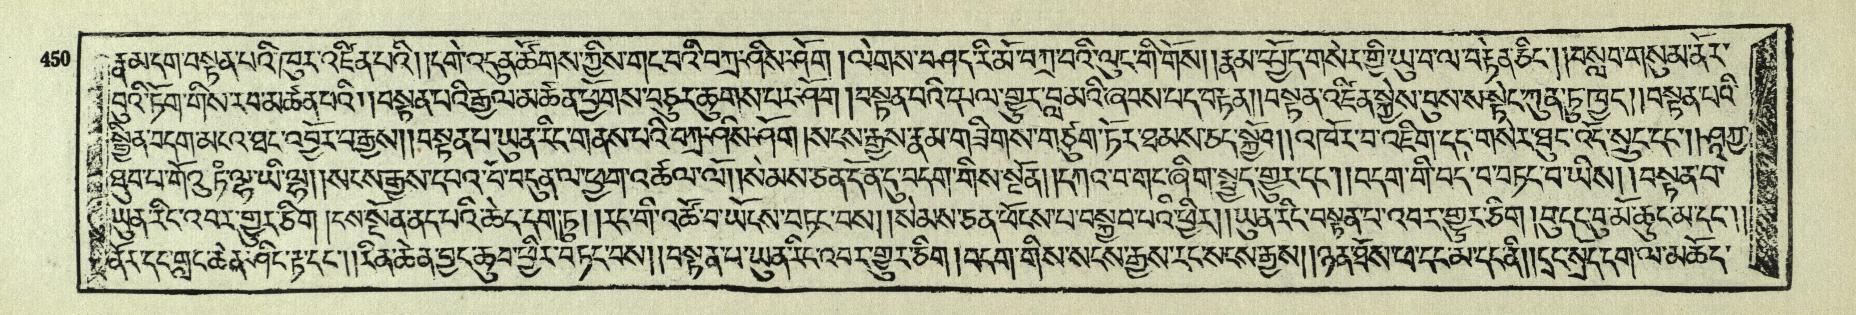རྣམ་དག་བསྟན་པའི་ཁུར་འཛིན་པའི། །དགེ་འདུན་ཚོགས་ཀྱིས་གང་བའི་བཀྲ་ཤིས་ཤོག །ལེགས་བཤད་རི་མོ་བཀྲ་བའི་ལུང་གི་གོས། །རྣམ་དཔྱོད་གསེར་གྱི་ཡུ་བ་ལ་བརྟེན་ཅིང་། །བསླབ་གསུམ་ནོར་
བུའི་ཏོག་གིས་རབ་མཚན་པའི། །བསྟན་པའི་རྒྱལ་མཚན་ཕྱོགས་བཅུར་ཆུགས་པར་ཤོག །བསྟན་པའི་དཔལ་གྱུར་བླ་མའི་ཞབས་པད་བརྟན། །བསྟན་འཛིན་སྐྱེས་བུས་ས་སྟེང་ཀུན་ཏུ་ཁྱད། །བསྟན་པའི་
སྦྱིན་བདག་མངའ་ཐང་འབྱོར་པ་རྒྱས། །བསྟན་པ་ཡུན་རིང་གནས་པའི་བཀྲ་ཤིས་ཤོག །སངས་རྒྱས་རྣམ་གཟིགས་གཙུག་ཏོར་ཐམས་ཅད་སྐྱོབ། །འཁོར་བ་འཇིག་དང་གསེར་ཐུང་འོད་སྲུང་དང་། །ཤཱཀྱ་
ཐུབ་པ་གོའུ་ཏཾ་ལྷ་ཡི་ལྷ། །སངས་རྒྱས་དཔའ་བོ་བདུན་ལ་ཕྱག་འཚལ་ལོ། །སེམས་ཅན་དོན་དུ་བདག་གིས་སྔོན། །དཀའ་བ་གང་ཞིག་སྤྱད་གྱུར་དང་། །བདག་གི་བདེ་བ་བཏང་བ་ཡིས། །བསྟན་པ་
ཡུན་རིང་འབར་གྱུར་ཅིག །ངས་སྔོན་ནད་པའི་ཆེད་དག་ཏུ། །རང་གི་འཚོ་བ་ཡོངས་བཏང་བས། །སེམས་ཅན་ཕོངས་པ་བསྐྱབ་པའི་ཕྱིར། །ཡུན་རིང་བསྟན་པ་འབར་གྱུར་ཅིག །བུ་དང་བུ་མོ་ཆུང་མ་དང་། །
ནོར་དང་གླང་ཆེན་ཤིང་རྟ་དང་། །རིན་ཆེན་བྱང་ཆུབ་ཕྱིར་བཏང་བས། །བསྟན་པ་ཡུན་རིང་འབར་གྱུར་ཅིག །བདག་གིས་སངས་རྒྱས་རང་སངས་རྒྱས། །ཉན་ཐོས་ཕ་དང་མ་དང་ནི། །དྲང་སྲོད་དག་ལ་མཆོད་